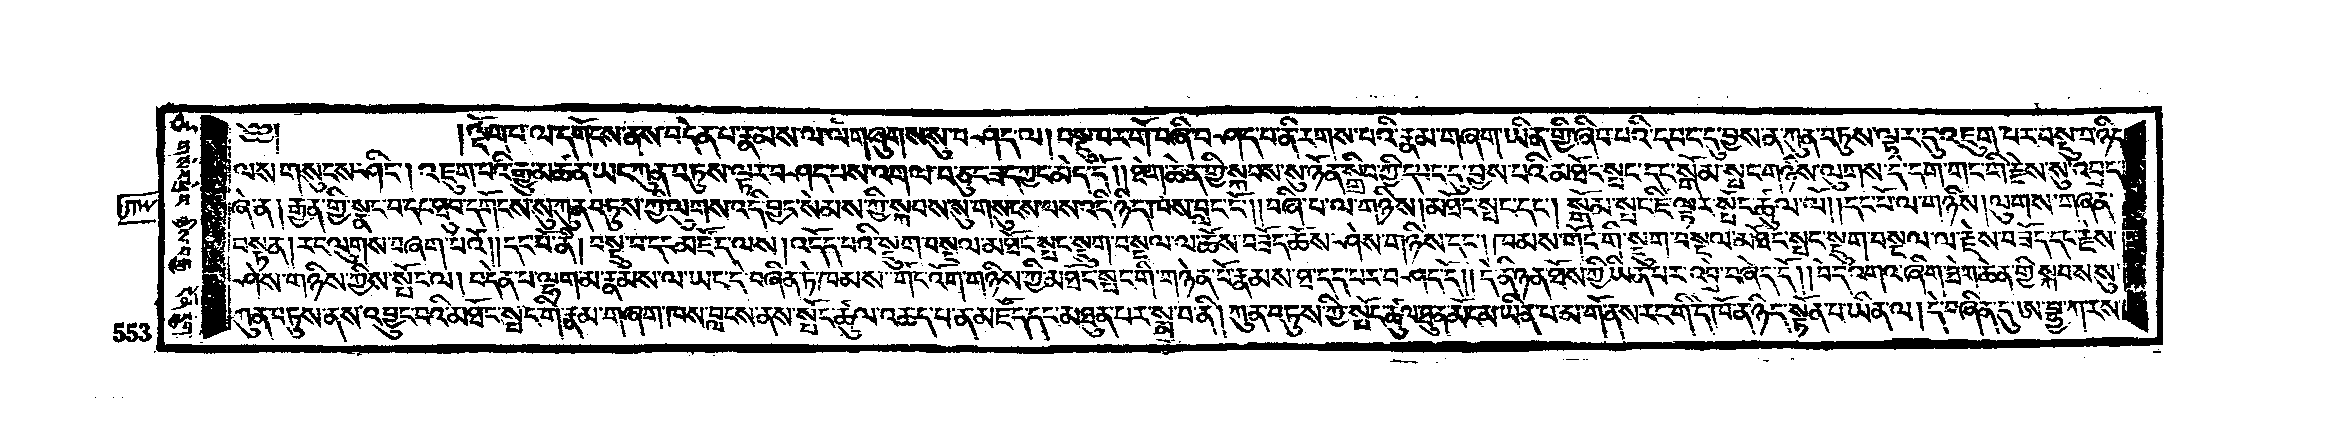༄༅། །ལྡོག་པ་ལ་དགོངས་ནས་བདེན་པ་རྣམས་ལ་ལོག་ཞུགས་སུ་བཤད་ལ། བསྡུ་བར་གོ་བཞི་བཤད་པ་ནི་རགས་པའི་རྣམ་གཞག་ཡིན་གྱི་ཞིབ་པའི་དབང་དུ་བྱས་ན་ཀུན་བཏུས་ལྟར་དུ་འཇུག་པར་བསྡུ་བ་ཉིད་
ལས་གསུངས་ཤིང་། འཇུག་པའི་རྒྱུ་མཚན་ཡང་ཀུན་བཏུས་ལྟར་བཤད་པས་འགལ་བ་ཅུང་ཟད་ཀྱང་མེད་དོ། །ཐེག་ཆེན་གྱི་སྐབས་སུ་ཉོན་སྒྲིབ་ཀྱི་དབང་དུ་བྱས་པའི་མཐོང་སྤང་དང་སྒོམ་སྤང་གཉིས་ལུགས་དེ་དག་གང་གི་རྗེས་སུ་འབྲང་
ཞེ་ན། རྒྱན་གྱི་སྣང་བ་དང་ཐུབ་དགོངས་སུ་ཀུན་བཏུས་ཀྱི་ལུགས་འདི་བྱང་སེམས་ཀྱི་སྐབས་སུ་གསུངས་པས་འདི་ཉིད་ཁས་བླང་ངོ། །བཞི་པ་ལ་གཉིས། མཐོང་སྤང་དང་། སྒོམ་སྤང་ཇི་ལྟར་སྤོང་ཚུལ་ལོ། །དང་པོ་ལ་གཉིས། ལུགས་གཞན་
བསྟན། རང་ལུགས་བཞག་པའོ། །དང་པོ་ནི། བསྡུ་བ་དང་མཛོད་ལས། འདོད་པའི་སྡུག་བསྔལ་མཐོང་སྤང་སྡུག་བསྔལ་ལ་ཆོས་བཟོད་ཆོས་ཤེས་གཉིས་དང་། ཁམས་གོང་གི་སྡུག་བསྔལ་མཐོང་སྤང་སྡུག་བསྔལ་ལ་རྗེས་བཟོད་དང་རྗེས་
ཤེས་གཉིས་ཀྱིས་སྤོང་ལ། བདེན་པ་ལྷག་མ་རྣམས་ལ་ཡང་དེ་བཞིན་ཏེ་ཁམས་གོང་འོག་གཉིས་ཀྱི་མཐོང་སྤང་གི་གཉེན་པོ་རྣམས་ཐ་དད་པར་བཤད་དོ། །དེ་ནི་ཉན་ཐོས་ཀྱི་ཡིན་པར་འབྲེ་བཞེད་དོ། །བདེ་འགའ་ཞིག་ཐེག་ཆེན་གྱི་སྐབས་སུ་
ཀུན་བཏུས་ནས་འབྱུང་བའི་མཐོང་སྤང་གི་རྣམ་གཞག་ཁས་བླངས་ནས་སྤོང་ཚུལ་འཆད་པ་ན་མཛོད་དང་མཐུན་པར་སྨྲ་བ་ནི། ཀུན་བཏུས་ཀྱི་སྤོང་ཚུལ་ཐུན་མོང་མ་ཡིན་པ་མ་གོ་ནས་རང་གི་དེ་ཁོ་ན་ཉིད་སྟོན་པ་ཡིན་ལ། དེ་བཞིན་དུ་ཨ་བྷྱ་ཀ་རས་